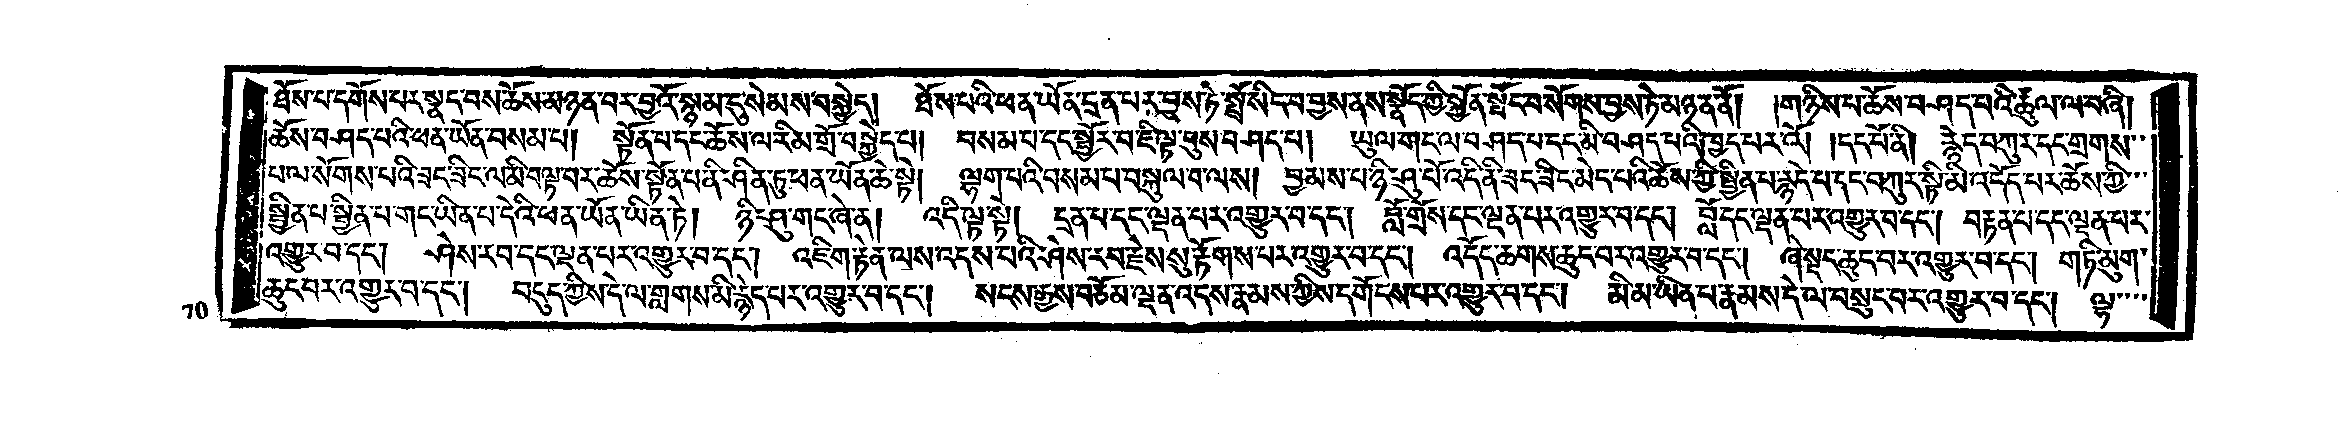ཐོས་པ་དགོས་པར་སྣང་བས་ཆོས་མཉན་པར་བྱའོ་སྙམ་དུ་སེམས་བསྐྱེད། ཐོས་པའི་ཕན་ཡོན་དྲན་བར་བྱས་ཏེ་སྤྲོ་སིང་བ་བྱས་ནས་སྣོད་ཀྱི་སྐྱོན་སྤོང་བ་སོགས་བྱས་ཏེ་མཉན་ནོ། །གཉིས་པ་ཆོས་བཤད་པའི་ཚུལ་ལ་བཞི།
ཆོས་བཤད་པའི་ཕན་ཡོན་བསམ་པ། སྟོན་པ་དང་ཆོས་ལ་རིམ་གྲོ་བསྐྱེད་པ། བསམ་པ་དང་སྦྱོར་བ་ཇི་ལྟ་བུས་བཤད་པ། ཡུལ་གང་ལ་བཤད་པ་དང་མི་བཤད་པའི་ཁྱད་པར་རོ། །དང་པོ་ནི། རྙེད་བཀུར་དང་གྲགས་
པ་ལ་སོགས་པའི་ཟང་ཟིང་ལ་མི་བལྟ་བར་ཆོས་སྟོན་པ་ནི་ཤིན་ཏུ་ཕན་ཡོན་ཆེ་སྟེ། ལྷག་པའི་བསམ་པ་བསྐུལ་བ་ལས། བྱམས་པ་ཉི་ཤུ་པོ་འདི་ནི་ཟང་ཟིང་མེད་པའི་ཆོས་ཀྱི་སྦྱིན་པ་རྙེད་པ་དང་བཀུར་སྟི་མི་འདོད་པར་ཆོས་ཀྱི་
སྦྱིན་པ་སྦྱིན་པ་གང་ཡིན་པ་དེའི་ཕན་ཡོན་ཡིན་ཏེ། ཉི་ཤུ་གང་ཞེ་ན། འདི་ལྟ་སྟེ། དྲན་པ་དང་ལྡན་པར་འགྱུར་བ་དང་། བློ་གྲོས་དང་ལྡན་པར་འགྱུར་བ་དང་། བློ་དང་ལྡན་པར་འགྱུར་བ་དང་། བརྟན་པ་དང་ལྡན་པར་
འགྱུར་བ་དང་། ཤེས་རབ་དང་ལྡན་པར་འགྱུར་བ་དང་། འཇིག་རྟེན་ལས་འདས་པའི་ཤེས་རབ་རྗེས་སུ་རྟོགས་པར་འགྱུར་བ་དང་། འདོད་ཆགས་ཆུང་བར་འགྱུར་བ་དང་། ཞེ་སྡང་ཆུང་བར་འགྱུར་བ་དང་། གཏི་མུག་
ཆུང་བར་འགྱུར་བ་དང་། བདུད་ཀྱིས་དེ་ལ་གླགས་མི་རྙེད་པར་འགྱུར་བ་དང་། སངས་རྒྱས་བཅོམ་ལྡན་འདས་རྣམས་ཀྱིས་དགོངས་པར་འགྱུར་བ་དང་། མི་མ་ཡིན་པ་རྣམས་དེ་ལ་བསྲུང་བར་འགྱུར་བ་དང་། ལྷ་